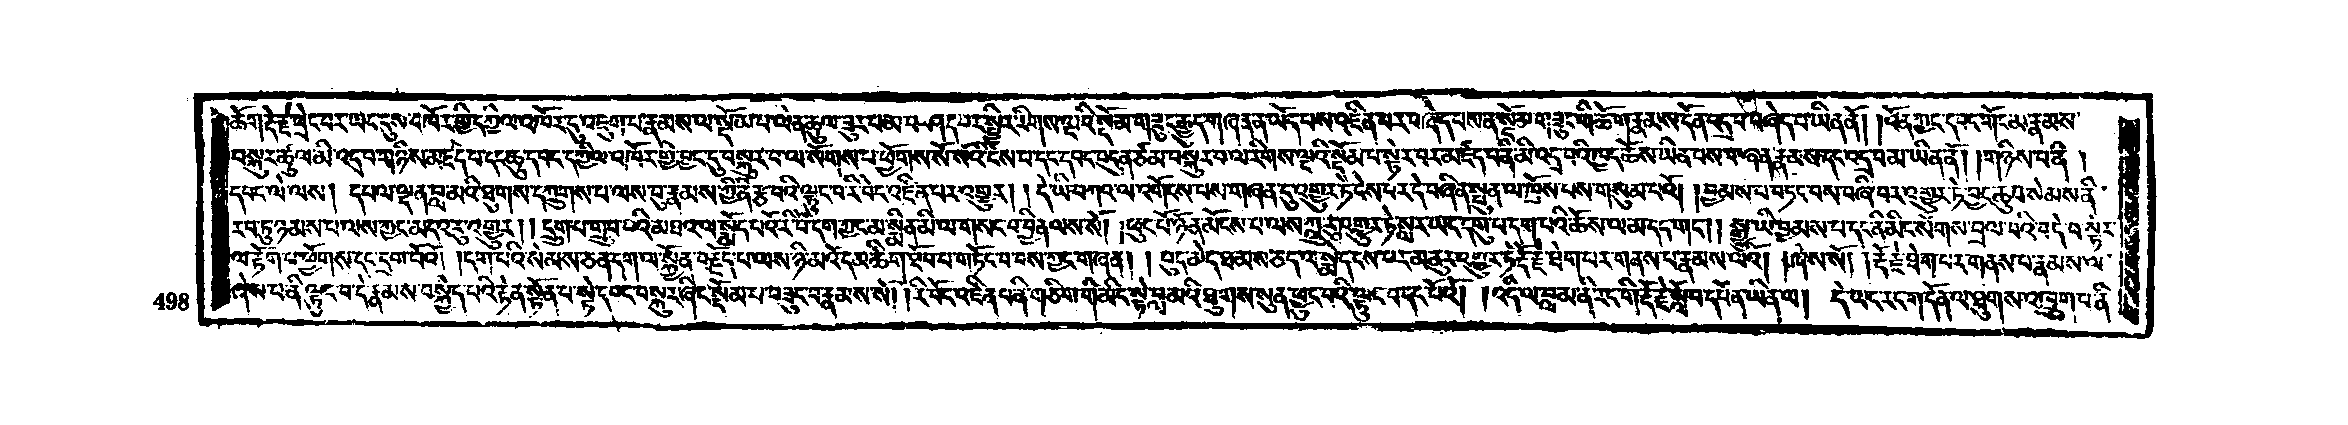ཆོག་རྡོ་རྗེ་ཕྲེང་བར་ཡང་དུས་འཁོར་གྱི་དཀྱིལ་འཁོར་དུ་འཇུག་པ་རྣམས་ལ་སྡོམ་པ་ལེན་ཆུལ་ཟུར་པ་མ་བཤད་པར་སྤྱིར་རིགས་ལྔའི་སྡོམ་གཟུང་རྒྱུད་གཞན་ན་ཡོད་པས་འཛིན་པར་བཞེད་པས་ན་སྡོམ་གཟུང་གི་ཆོ་ག་རྣམས་དོན་འདྲ་བ་བཞེད་པ་ཡིན་ནོ། །འོན་ཀྱང་དབང་གོང་མ་རྣམས་
བསྐུར་ཚུལ་མི་འདྲ་བ་གཉིས་མཛད་པ་དང་ཆུ་དབང་དཀྱིལ་འཁོར་གྱི་བྱང་དུ་བསྐུར་བ་ལ་སོགས་པ་ཕྱོགས་སོ་སོའི་ངེས་པ་དང་དབང་བདུན་ཙམ་བསྐུར་བ་ལ་རིགས་ལྔའི་སྡོམ་པ་སྟེར་བར་མཛད་པ་ནི་མི་འདྲ་བའི་ཁྱད་ཆོས་ཡིན་པས་གཞན་རྣམས་དང་འདྲ་བ་མ་ཡིན་ནོ། །གཉིས་པ་ནི།
དབང་ལེ་ལས། དཔལ་ལྡན་བླ་མའི་ཐུགས་དཀྲུགས་པ་ལས་བུ་རྣམས་ཀྱི་ནི་རྩ་བའི་ལྟུང་བ་རི་བོང་འཛིན་པར་འགྱུར། །དེ་ཡི་བཀའ་ལ་འགོངས་པས་གཞན་དུ་འགྱུར་ཏེ་ངེས་པར་དེ་བཞིན་སྤུན་ལ་ཁྲོས་པས་གསུམ་པའོ། །བྱམས་པ་བཏང་བས་བཞི་བར་འགྱུར་ཏེ་བྱང་ཆུབ་སེམས་ནི་
རབ་ཏུ་ཉམས་པ་ལས་ཀྱང་མདའ་རུ་འགྱུར། །དྲུག་པ་གྲུབ་པའི་མཐའ་ལ་སྨོད་པའོ་རི་བོ་དག་ཀྱང་མ་སྨིན་མི་ལ་གསང་བ་བྱིན་ལས་སོ། །ཕུང་པོ་ཉོན་མོངས་པ་ལས་ཀླུ་རུ་འགྱུར་ཏེ་སླར་ཡང་དགུ་པ་དག་པའི་ཆོས་ལ་མ་དད་གང་། །སྒྱུ་ཡི་བྱམས་པ་དང་ནི་མིང་སོགས་བྲལ་བའི་བདེ་བ་སྟེར་
ལ་རྟོག་པ་ཕྱོགས་དང་དྲག་པོའོ། །དག་པའི་སེམས་ཅན་དག་ལ་སྐྱོན་བརྗོད་པ་ལས་ཉི་མའོ་དམ་ཚིག་ཐོབ་པ་གཏོང་བ་བས་ཀྱང་གཞན། །བུད་མེད་ཐམས་ཅད་ལ་སྨེད་ངས་པར་མ་ནུར་འགྱུར་ཏེ་རྡོ་རྗེ་ཐེག་པར་གནས་པ་རྣམས་ལའོ། །ཞེས་སོ། །རྡོ་རྗེ་ཐེག་པར་གནས་པ་རྣམས་ལ་
ཞེས་པ་ནི་ལྟུང་བ་དེ་རྣམས་བསྐྱེད་པའི་རྟེན་སྟོན་པ་སྟེ་དབང་བསྐུར་ཞིང་སྡོམ་པ་བཟུང་བ་རྣམས་སོ། །རི་བོང་འཛིན་པ་ནི་གཅིག་གི་མིང་སྟེ་བླ་མའི་ཐུགས་སུན་ཕྱུང་བའི་ལྟུང་བ་དང་པོའོ། །འདི་ལ་བླ་མ་ནི་རང་གི་རྡོ་རྗེ་སློབ་དཔོན་ཡིན་ལ། དེ་ཡང་རང་གི་དོན་ལ་ཐུགས་འཁྲུག་པ་ནི་